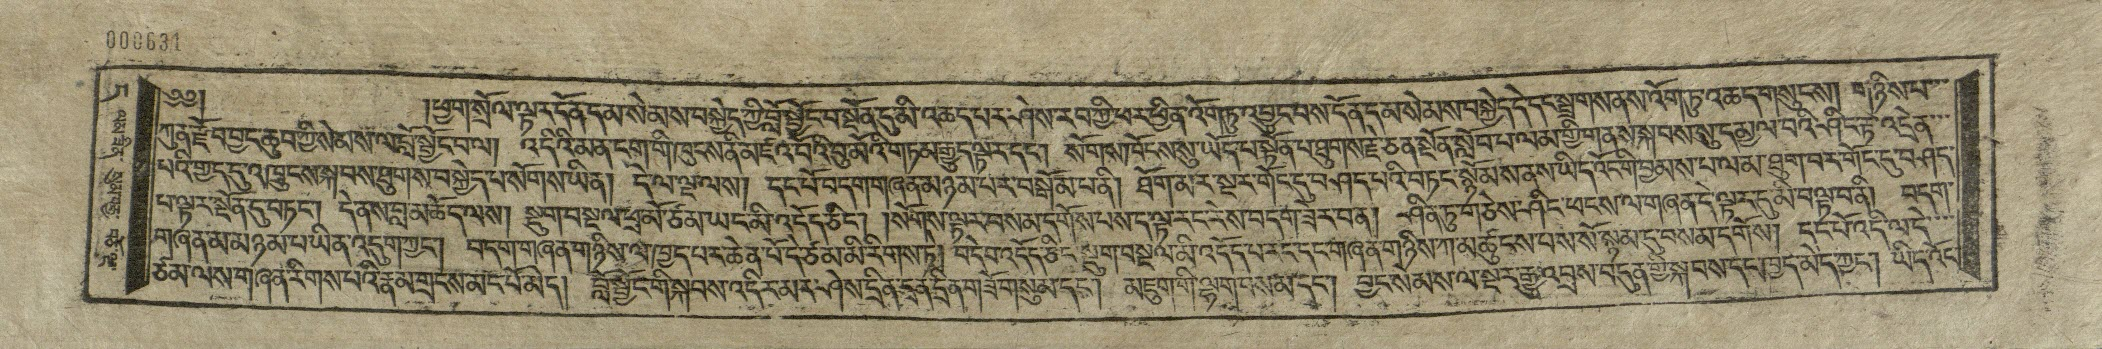༄༅། །ཕྱག་སྲོལ་ལྟར་དོན་དམ་སེམས་བསྐྱེད་ཀྱི་བློ་སྦྱོང་བ་སྔོན་དུ་མི་འཆད་པར་ཤེས་རབ་ཀྱི་ཕར་ཕྱིན་འོག་ཏུ་འབྱུང་བས་དོན་དམ་སེམས་བསྐྱེད་དེ་དང་སྦྲགས་ནས་འོག་ཏུ་འཆད་གསུངས། གཉིས་པ་
ཀུན་རྫོབ་བྱང་ཆུབ་ཀྱི་སེམས་ལ་བློ་སྦྱོང་བ་ལ། འདིའི་མན་ངག་གི་ཁུངས་ནི་མཛའ་བོའི་བུ་མོའི་གཏམ་རྒྱུད་ལྟར་དང་། སོགས་ཁོངས་སུ་ཡོད་པ་སྟོན་པ་ཐུགས་རྗེ་ཅན་སྔོན་སློབ་པ་ལམ་གྱི་གནས་སྐབས་སུ་དམྱལ་བའི་ཤིང་རྟ་འདྲེན་
པའི་གྱད་དུ་འཁྲུངས་སྐབས་ཐུགས་བསྐྱེད་པ་སོགས་ཡིན། དེ་ལ་ལྔ་ལས། དང་པོ་བདག་གཞན་མཉམ་པར་བསྒོམ་པ་ནི། ཐོག་མར་སྔར་གོང་དུ་བཤད་པའི་བཏང་སྙོམས་ནས་ཡིད་འོང་གི་བྱམས་པ་ལ་མ་ཐུག་བར་གོང་དུ་བཤད་
པ་ལྟར་སྔོན་དུ་བཏང་། དེ་ནས་བླ་མཆོད་ལས། སྡུག་བསྔལ་ཕྲ་མོ་ཙམ་ཡང་མི་འདོད་ཅིང་། །སོགས་ལྟར་བསམ་དགོས་པས་ད་ལྟ་རང་རེས་བདག་ཟེར་བ་ན། ཤིན་ཏུ་གཅེས་ཤིང་ཕངས་ལ་གཞན་དེ་ལྟར་དུ་མི་བལྟ་བ་ནི། བདག་
གཞན་མ་མཉམ་པ་ཡིན་འདུག་ཀྱང་། བདག་གཞན་གཉིས་ལ་ཁྱད་པར་ཆེན་པོ་དེ་ཙམ་མི་རིགས་ཏེ། བདེ་བ་འདོད་ཅིང་སྡུག་བསྔལ་མི་འདོད་པ་རང་དང་གཞན་གཉིས་ཀ་མཚུངས་པས་སོ་སྙམ་དུ་བསམ་དགོས། དང་པོ་འདི་ལ་དེ་
ཙམ་ལས་གཞན་རིགས་པའི་རྣམ་གྲངས་མང་པོ་མེད། བློ་སྦྱོང་གི་སྐབས་འདིར་མར་ཤེས་དྲིན་དྲན་དྲིན་གཟོ་གསུམ་དང་། མཇུག་གི་ལྷག་བསམ་དང་། བྱང་སེམས་ལ་སྔར་རྒྱུ་འབྲས་བདུན་གྱི་སྐབས་དང་ཁྱད་མེད་ཀྱང་། ཡིད་འོང་